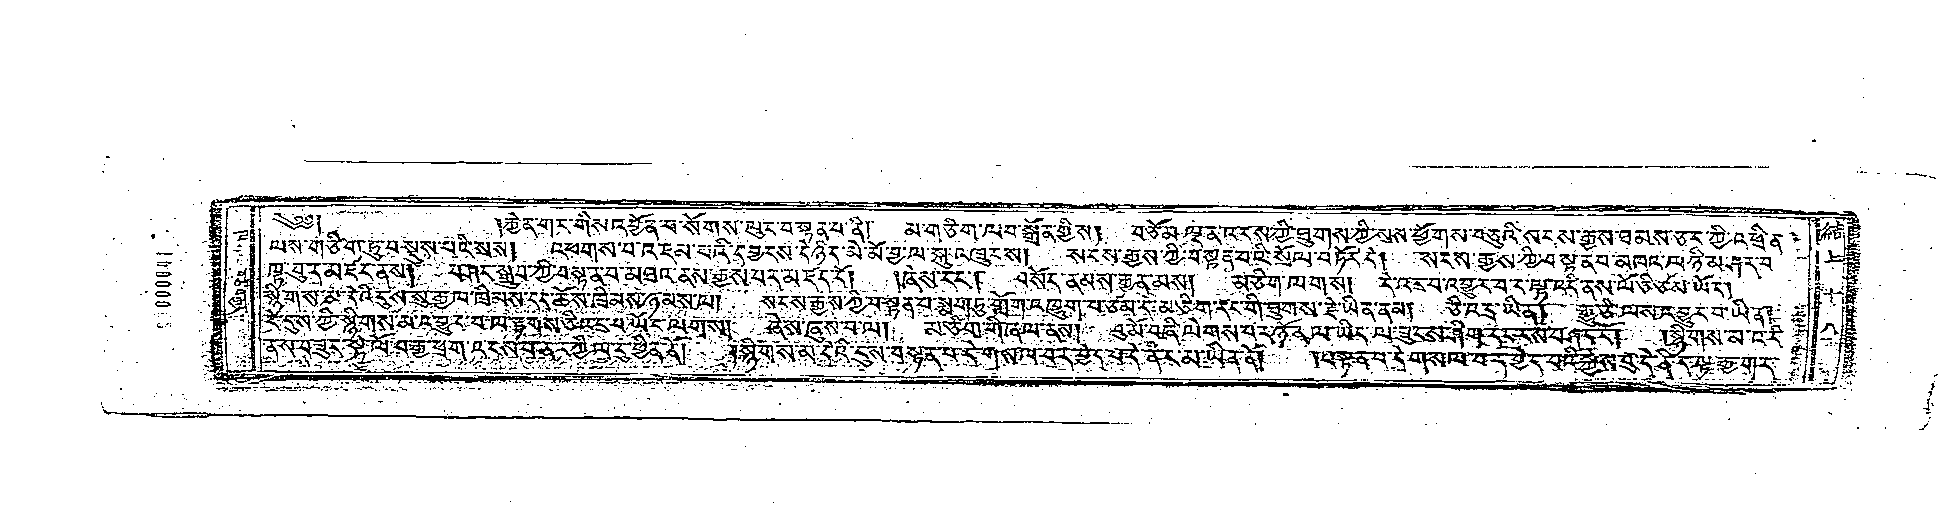༄༅། །རྐྱེན་གང་གིས་འབྱོན་པ་སོགས་ལུང་བསྟན་པ་ནི། མ་གཅིག་ལ་བསྒྲོན་གྱིས། བཅོམ་ལྡན་འདས་ཀྱི་ཐུགས་ཀྱིས་རས་ཕྱོགས་བཅུའི་སང་རྒྱས་ཐམས་ཅད་ཀྱི་འཕྲིན་
ལས་གཅིག་ཏུ་བསྡུས་པའི་སྲས། འཕགས་པ་འཇམ་པའི་དབྱངས་དེ་ཉིད་མེ་མོ་བྱ་ལ་སྐུ་འཁྲུངས། སངས་རྒྱས་ཀྱི་བསྟན་པའི་སྲོལ་བཏོང་དེ། སངས་རྒྱས་ཀྱི་བསྟན་པ་མཁའ་ལ་ཉི་མ་ཤར་པ་
ལྟ་བུར་མཛད་ནས། བཤད་སྒྲུབ་ཀྱི་བསྟན་པ་མཐའ་ནས་རྒྱས་པར་མཛད་དེ། །ཞེས་དང་། བསོད་ནམས་རྒྱན་མས། མ་ཅིག་ལས། དེ་འདྲ་བ་འབྱུང་བ་ད་ལྟ་འདི་ནས་ལོ་ཅི་ཙམ་ཡོད།
སྙིགས་མ་དེའི་དུས་སུ་རྒྱལ་ཁྲིམས་དང་ཆོས་ཁྲིམས་ཉམས་ལ། སངས་རྒྱས་ཀྱི་བསྟན་པ་སྨག་ཏུ་གློག་འཁྱུག་པ་ཙམ་དེ་མ་ཅིག་རང་གི་ཐུགས་རྗེ་ཡིན་ནམ། ཅི་འདྲ་ཡིན། རྒྱུ་ཅི་ལས་འབྱུང་བ་ཡིན།
དེ་དུས་ཀྱི་སྙིགས་མ་འབྱུང་བ་ལ་རྟགས་ཅི་འདྲ་པ་ཡོང་ལགས། ཞེས་ཞུས་པ་ལ། མ་ཅིག་གི་ཞལ་ནས། བུ་མོ་བཞི་ལེགས་པར་ཉོན་ལ་ཡིད་ལ་ཟུངས་ཤིག་དང་ངས་བཤད་དོ། །སྙིགས་མ་འདི་
ནས་བཟུང་སྟེ་ལོ་བརྒྱ་ཕྲག་འདས་པ་ན་དཀྱིལ་དུ་ཕྱིན་ནོ། །སྙིགས་མ་དེའི་དུས་བསྟན་པ་དེ་གསལ་བར་བྱེད་པ་དེ་ནི་ང་མ་ཡིན་ནོ། །བསྟན་པ་དེ་གསལ་བར་བྱེད་པའི་སྐྱེས་བུ་དེ་ནི་ད་ལྟ་རྒྱ་གར་